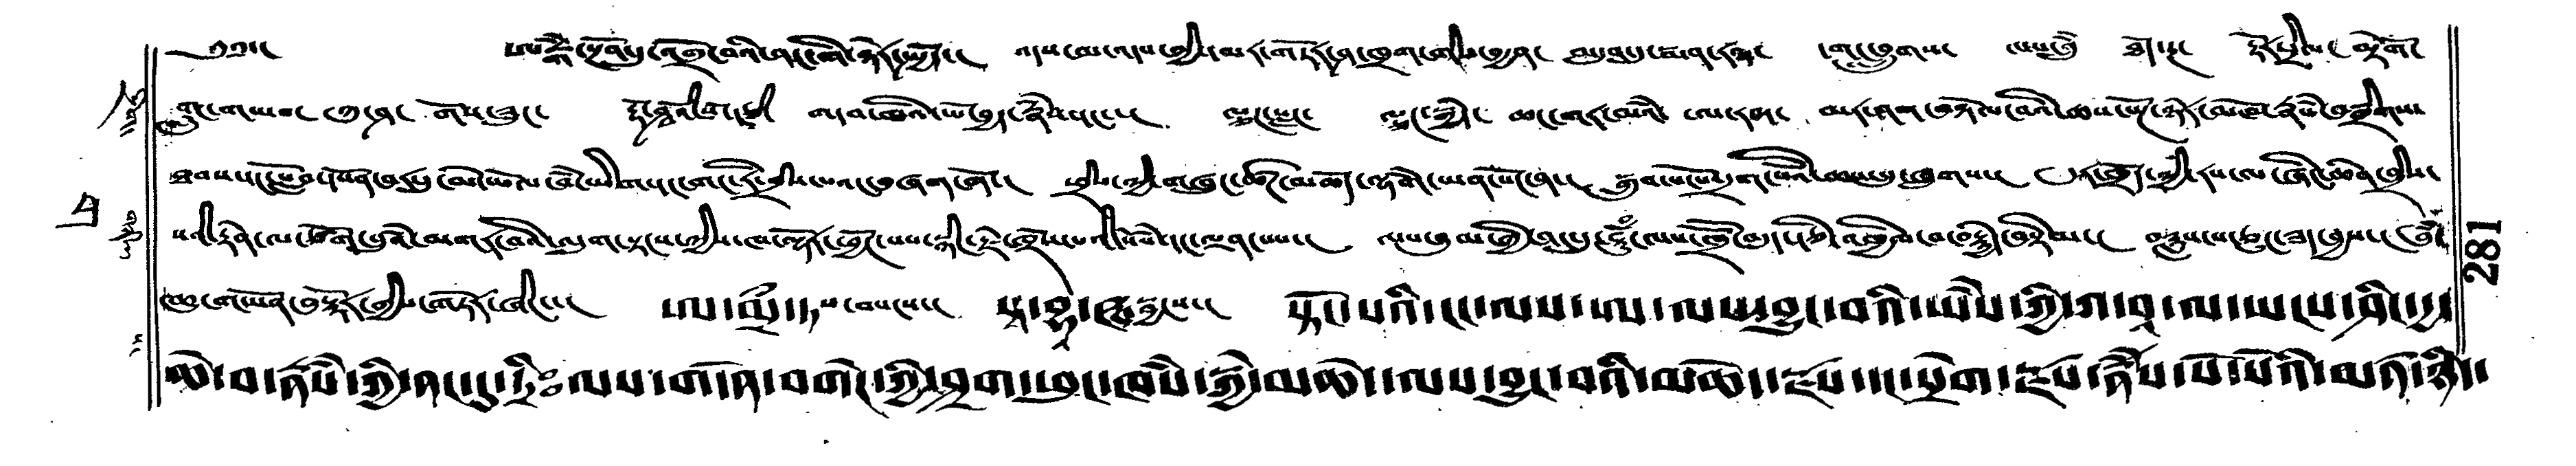ཨརྒྷཾ་སྔོན་དུ་འགྲོ་བའི་ནང་གི་ཉེར་སྤྱོད། འདས་མ་འདས་ཀྱི་དམར་གཏོར་ཤ་ཁྲག་གིས་བརྒྱན། མདུན་དུ་སྨན་རཀ དགང་བླུགས། ལས་བུམ། ཐོད་རྔ། རྡོར་དྲིལ། མེ་ཏོག 
རླུང་གཡབ། ཀུ་ཤ གོས་ཟུང་། རྡོ་ཤྭོའི་སོ་རྩི། གདབ་ཁའི་ཡོ་བྱད་རྣམས་དང་། ལྕགས་སླང་། ལྕགས་སྒྱེད། ཆང་གར་མའམ་ཨ་རག མར་ནག་བསྐོལ་སའི་ཆས་སོགས་ཉེར་མཁོ་རྣམས་བསྒྲིགས། 
ཐབ་དང་སློབ་དཔོན་བར་དུ་མེ་ཡོལ་བྃ་ཡིག་དང་གངས་རི་བྲིས་པའང་བཞག་གོ ཕྲིན་ལས་ཀྱི་གཞུང་ཚོགས་མཆོད་ལྷག་མ་ཡན་སོང་ནས། སྒྲུབ་པ་པོ་དྲག་པོའི་ཆས་སུ་ཞུགས། དུར་ཁྲོད་ཀྱི་རས་ལ་ཞིང་ཆེན་བྲིས་
པའི་རྟེན་ལ་ཙོག་པུའམ་མགར་བའི་འདུག་སྟངས་ཀྱིས་ཁ་ལྷོར་ཕྱོགས་པས་སྙིང་རྗེ་ཁྲོས་པའི་བསམ་པ་དང་ལྡན་པས། ལས་བུམ་གྱི་ནང་དུ་ཧཱུྃ་ལས་ཁྲོ་བོ་བདུད་རྩི་འཁྱིལ་བ་བསྐྱེད་བསྟིམ། བཟླས་པ་ཅུང་ཟད་བྱས། བུམ་
ཆུ་གཡོན་བསྐོར་གྱིས་གཏོར་ཞིང་། ཨ་མྲྀ་ཏ ས་བསངས། སྭ་བྷྭ སྦྱངས། སྟོང་པའི་ངང་ལས་ཨ་ལས་བྱུང་བའི་ཡེ་ཤེས་ཀྱི་ཀ་པཱ་ལ་ཡངས་ཤིང་རྒྱ་
ཆེ་བ་རྣམས་ཀྱི་ནང་དུ་ཏྲིཿལས་གདོན་བགེགས་ཀྱི་ཤ་ཕྲག་ཕུང་ཁམས་སྐྱེ་མཆེད་ལས་བྱུང་བའི་མཆོད་རྫས་དང་སྲེག་རྫསརྣམས་སོ་སོའི་མཚན་ཉིད་